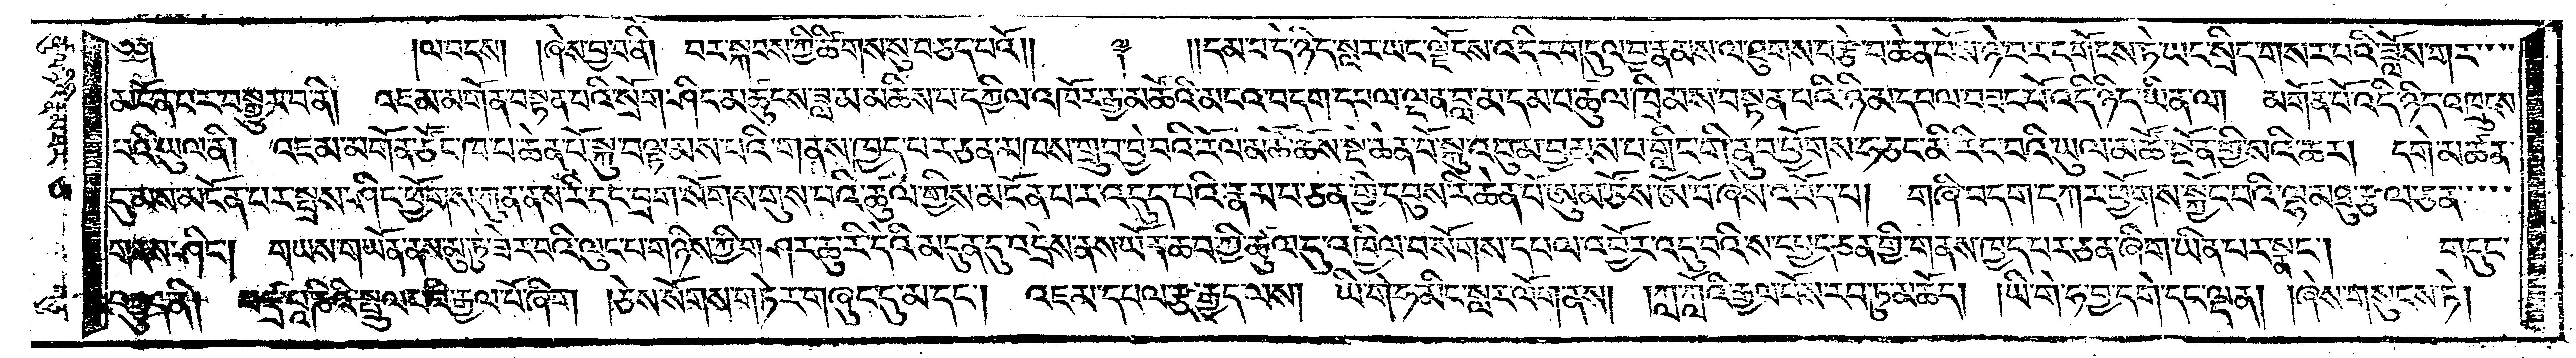༄༅། །ལ་བདས། །ཞེས་བྱ་བ་ནི། བར་སྐབས་ཀྱི་ཚིགས་སུ་བཅད་པའོ།། ༈ །།དམ་པ་དེ་ཉིད་སླར་ཡང་ལྗོངས་འདིར་གདུལ་བྱ་རྣམས་ལ་ཐུགས་བརྩེ་བ་ཆེན་པོས་ཉེ་བར་དགོངས་ཏེ་ཡང་སྲིད་གསར་པའི་ཟློས་གར་
མངོན་པར་བསྐྱུར་བ་ནི། འཇམ་མགོན་བསྟན་བའི་སྲོག་ཤིང་མཚུངས་ཟླ་མ་མཆིས་པ་དཀྱིལ་འཁོར་རྒྱ་མཚོའི་མངའ་བདག་དཔལ་ལྡན་བླ་མ་དམ་པ་ཚུལ་ཁྲིམས་བསྟན་པའི་ཉི་མ་དཔལ་བཟང་པོ་འདི་ཉིད་ཡིན་ལ། མགོན་པོ་འདི་ཉིད་འཁྲུངས་
པའི་ཡུལ་ནི། འཇམ་མགོན་ཙོང་ཁ་པ་ཆེན་པོ་སྐུ་བལྟམས་པའི་གནས་ཁྱད་པར་ཅན་མཁས་གྲུབ་བྱེ་བའི་རོལ་མཚོ་ཆོས་སྡེ་ཆེན་པོ་སྐུ་འབུམ་བྱམས་པ་གླིང་གི་ནུབ་ཕྱོགས་ཧ་ཅང་མི་རིང་བའི་ཡུལ་མཚོ་སྔོན་གྱི་སའི་ཆར། དགེ་མཚན་
དུ་མས་མངོན་པར་སྤྲས་ཤིང་ཕྱོགས་ཀུན་ནས་རི་དང་བྲག་སོགས་གུས་བའི་ཚུལ་གྱིས་མངོན་པར་འདུད་པའི་རྣམ་པ་ཅན་གྱི་དབུས་རི་ཆེན་པོ་ཨུམ་ཙོས་ཨེ་བོ་ཞེས་འབོད་པ། གཞི་བདག་དཀར་ཕྱོགས་སྐྱོང་བའི་ལྷ་མཐུ་རྩལ་ཅན་
གནས་ཤིང་། གཡས་གཡོན་ནས་མུ་ཏུ་ཟེར་བའི་ལུང་པ་གཉིས་ཀྱི་གཤར་ཆུ་རི་དེའི་མདུན་དུ་འདྲེས་ནས་ཡོན་ཆབ་ཀྱི་ཚུལ་དུ་འཁྱིལ་བ་སོགས་དཔལ་འབྱོར་འདུ་བའི་ས་དཔྱད་ཅན་གྱི་གནས་ཁྱད་པར་ཅན་ཞིག་ཡིན་པར་སྣང་། གདུང་
བརྒྱུད་ནི། བཛྲ་པཱཎིའི་སྤྲུལ་པའི་རྒྱལ་པོ་ཞིག །ཅེས་སོགས་གཏེར་གཞུང་དུ་མ་དང་། འཇམ་དཔལ་རྩ་རྒྱུད་ལས། ཡི་གེ་ཧ་མིང་སླར་ལོག་ནས། །ཀླ་ཀློའི་རྒྱལ་པོས་རབ་ཏུ་མཆོད། །ཡི་གེ་ཧ་བྱ་དགེ་དང་ལྡན། །ཞེས་གསུངས་ཏེ།